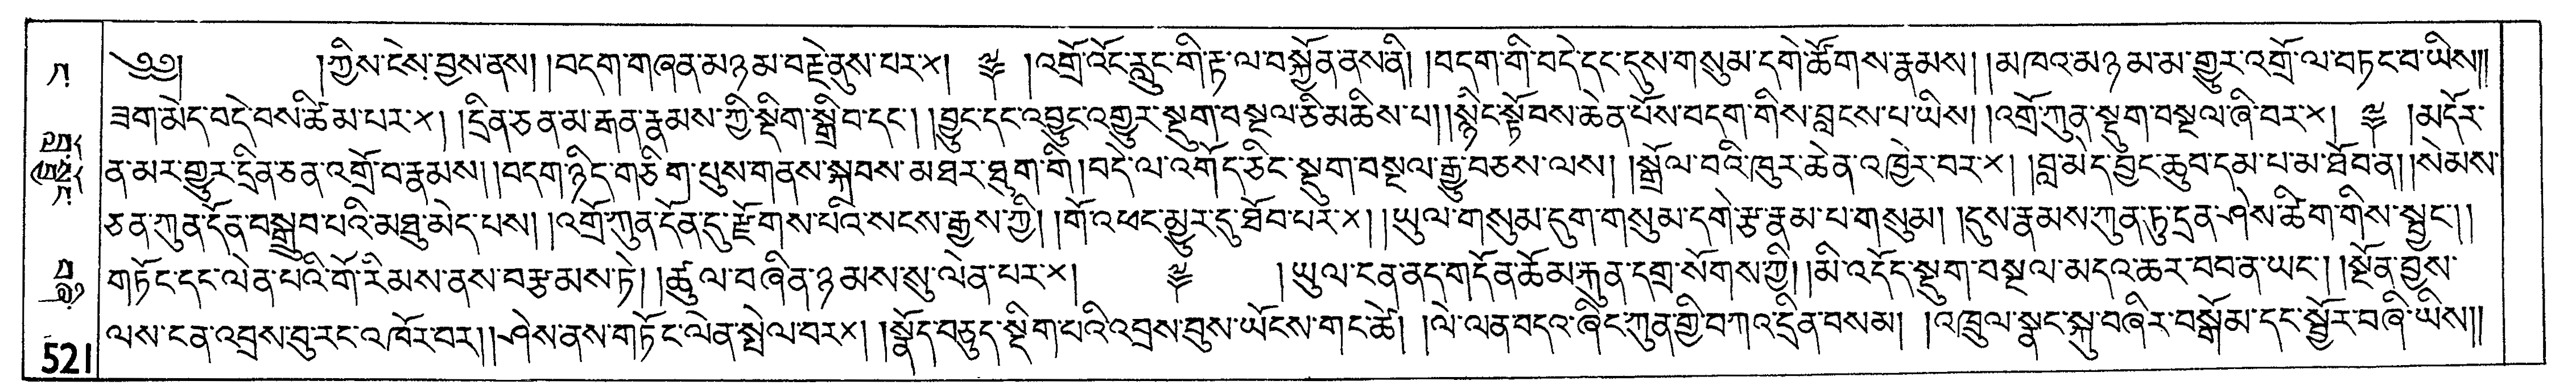༄༅། །ཀྱིས་ངེས་བྱས་ནས། །བདག་གཞན་མཉམ་བརྗེ་ནུས་པར་྾། ༈ །འགྲོ་འོང་རླུང་གི་རྟ་ལ་བསྐྱོན་ནས་ནི། །བདག་གི་བདེ་དང་དུས་གསུམ་དགེ་ཚོགས་རྣམས། །མཁའ་མཉམ་མ་གྱུར་འགྲོ་ལ་བཏང་བ་ཡིས། །
ཟག་མེད་བདེ་བས་ཚིམ་པར་྾། །དྲིན་ཅན་མ་རྒན་རྣམས་ཀྱི་སྡིག་སྒྲིབ་དང་། །བྱུང་དང་འབྱུང་འགྱུར་སྡུག་བསྔལ་ཅི་མཆིས་པ། །སྙིང་སྟོབས་ཆེན་པོས་བདག་གིས་བླངས་པ་ཡིས། །འགྲོ་ཀུན་སྡུག་བསྔལ་ཞི་བར་྾། ༈ །མདོར་
ན་མར་གྱུར་དྲིན་ཅན་འགྲོ་བ་རྣམས། །བདག་ཉིད་གཅིག་པུས་གནས་སྐབས་མཐར་ཐུག་གི །བདེ་ལ་འགོད་ཅིང་སྡུག་བསྔལ་རྒྱུ་བཅས་ལས། །སྒྲོལ་བའི་ཁུར་ཆེན་འཁྱེར་བར་྾། །བླ་མེད་བྱང་ཆུབ་དམ་པ་མ་ཐོབ་ན། །སེམས་
ཅན་ཀུན་དོན་བསྒྲུབ་པའི་མཐུ་མེད་པས། །འགྲོ་ཀུན་དོན་དུ་རྫོགས་པའི་སངས་རྒྱས་ཀྱི། །གོ་འཕང་མྱུར་དུ་ཐོབ་པར་྾། །ཡུལ་གསུམ་དུག་གསུམ་དགེ་རྩ་རྣམ་པ་གསུམ། །དུས་རྣམས་ཀུན་ཏུ་དྲན་ཤེས་ཚིག་གིས་སྦྱང་། །
གཏོང་དང་ལེན་པའི་གོ་རིམས་ནས་བརྩམས་ཏེ། །ཚུལ་བཞིན་ཉམས་སུ་ལེན་པར་྾། ༈ །ཡུལ་ངན་ནད་གདོན་ཆོམ་རྐུན་དགྲ་སོགས་ཀྱི། །མི་འདོད་སྡུག་བསྔལ་མདའ་ཆར་བབ་ན་ཡང་། །སྔོན་བྱས་
ལས་ངན་འབྲས་བུ་རང་འཁོར་བར། །ཤེས་ནས་གཏོང་ལེན་སྤེལ་བར་྾། །སྣོད་བཅུད་སྡིག་པའི་འབྲས་བུས་ཡོངས་གང་ཚེ། །ལེ་ལན་བདའ་ཞིང་ཀུན་གྱི་བཀའ་དྲིན་བསམ། །འཁྲུལ་སྣང་སྐུ་བཞིར་བསྒོམ་དང་སྦྱོར་བཞི་ཡིས། །